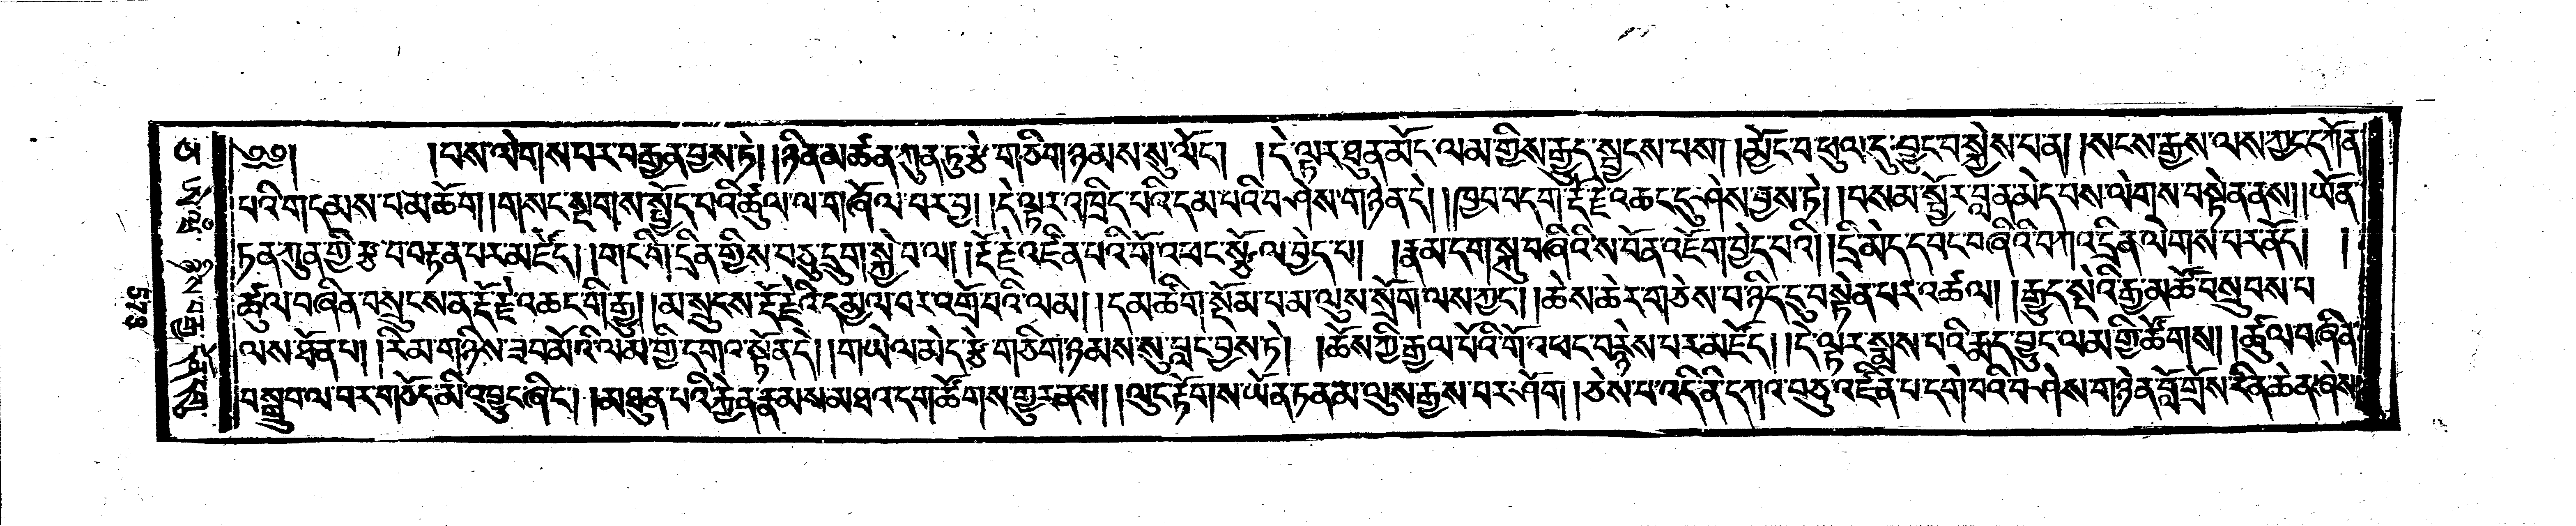༄༅། །པས་ལེགས་པར་བརྒྱན་བྱས་ཏེ། །ཉིན་མཚན་ཀུན་ཏུ་རྩེ་གཅིག་ཉམས་སུ་ལོང་། །དེ་ལྟར་ཐུན་མོང་ལམ་གྱིས་རྒྱུད་སྦྱངས་པས། །མྱོང་བ་ཕུལ་དུ་བྱུང་བ་སྐྱེས་པ་ན། །སངས་རྒྱས་ལས་ཀྱང་དཀོན་
པའི་གདམས་པ་མཆོག །གསང་སྔགས་སྤྱོད་པའི་ཚུལ་ལ་གཞོལ་བར་བྱ། །དེ་ལྟར་འཁྲིད་པའི་དམ་པའི་བཤེས་གཉེན་དེ། །ཁྱབ་བདག་རྡོ་རྗེ་འཆང་དུ་ཤེས་བྱས་ཏེ། །བསམ་སྦྱོར་བླ་ན་མེད་པས་ལེགས་བསྟེན་ནས། །ཡོན་
ཏན་ཀུན་གྱི་རྩ་བ་བརྟན་པར་མཛོད། །གང་གི་དྲིན་གྱིས་བཅུ་དྲུག་སྐྱེ་བ་ལ། །རྡོ་རྗེ་འཛིན་པའི་གོ་འཕང་སྩོལ་བྱེད་པ། །རྣམ་དག་སྐུ་བཞིའི་ས་བོན་འཇོག་བྱེད་པའི། །དྲི་མེད་དབང་བཞིའི་བཀའ་དྲིན་ལེགས་པར་ནོད།།
ཚུལ་བཞིན་བསྲུངས་ན་རྡོ་རྗེ་འཆང་གི་རྒྱུ། །མ་སྲུངས་རྡོ་རྗེའི་དམྱལ་བར་འགྲོ་བའི་ལམ། །དམ་ཚིག་སྡོམ་པ་མ་ལུས་སྲོག་ལས་ཀྱང་། །ཆེས་ཆེར་གཅེས་པ་ཉིད་དུ་བསྟེན་པར་འཚལ། །རྒྱུད་སྡེའི་རྒྱ་མཚོ་བསྲུབས་པ་
ལས་ཐོན་པ། །རིམ་གཉིས་ཟབ་མོའི་ལམ་གྱི་དགའ་སྟོན་དེ། །གཡེལ་མེད་རྩེ་གཅིག་ཉམས་སུ་བླང་བྱས་ཏེ། །ཆོས་ཀྱི་རྒྱལ་པོའི་གོ་འཕང་བརྙེས་པར་མཛོད། །དེ་ལྟར་སྨྲས་པའི་རྨད་བྱུང་ལམ་གྱི་ཚོགས། །ཚུལ་བཞིན་
བསྒྲུབ་ལ་བར་གཅོད་མི་འབྱུང་ཞིང་། །མཐུན་པའི་རྐྱེན་རྣམས་མཐའ་དག་ཚོགས་གྱུར་ནས། །ལུང་རྟོགས་ཡོན་ཏན་མ་ལུས་རྒྱས་པར་ཤོག །ཅེས་པ་འདི་ནི་དཀའ་བཅུ་འཛིན་པ་དགེ་བའི་བཤེས་གཉེན་བློ་གྲོས་རིན་ཆེན་ཞེས་